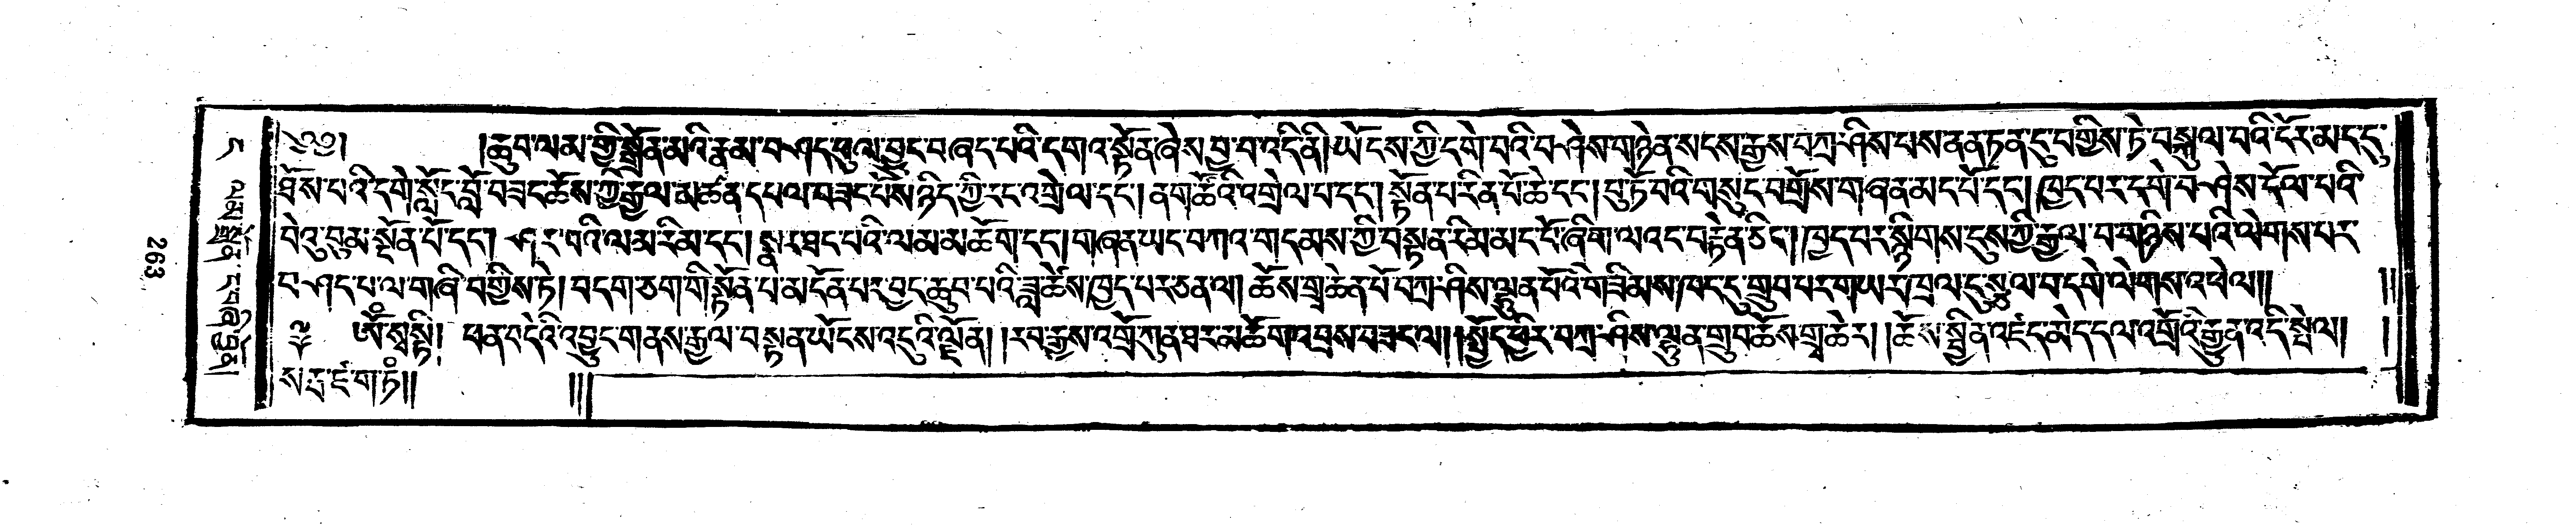༄༅། །ཆུབ་ལམ་གྱི་སྒྲོན་མའི་རྣམ་བཤད་ཕུལ་བྱུང་བཞད་པའི་དགའ་སྟོན་ཞེས་བྱ་བ་འདི་ནི། ཡོངས་ཀྱི་དགེ་བའི་བཤེས་གཉེན་སངས་རྒྱས་བཀྲ་ཤིས་པས་ནན་ཏན་དུ་བགྱིས་ཏེ་བསྐུལ་བའི་ངོར་མང་དུ་
ཐོས་པའི་དགེ་སློང་བློ་བཟང་ཆོས་ཀྱི་རྒྱལ་མཚན་དཔལ་བཟང་པོས་ཉིད་ཀྱི་རང་འགྲེལ་དང་། ནག་ཚོའི་འགྲེལ་པ་དང་། སྟོན་པ་རིན་པོ་ཆེ་དང་། པུ་ཏོ་བའི་གསུང་བགྲོས་གཞན་མང་པོ་དང་། ཁྱད་པར་དགེ་བཤེས་དོལ་པའི་
བེའུ་བུམ་སྔོན་པོ་དང་། ཤ་ར་བའི་ལམ་རིམ་དང་། སྣར་ཐང་བའི་ལམ་མཆོག་དང་། གཞན་ཡང་བཀའ་གདམས་ཀྱི་བསྟན་རིམ་མང་པོ་ཞིག་ལའང་བརྟེན་ཅིང་། ཁྱད་པར་སྙིགས་དུས་ཀྱི་རྒྱལ་བ་གཉིས་པའི་ལེགས་པར་
བཤད་པ་ལ་གཞི་བགྱིས་ཏེ། བདག་ཅག་གི་སྟོན་པ་མངོན་པར་བྱང་ཆུབ་པའི་ཟླ་ཚེས་ཁྱད་པར་ཅན་ལ། ཆོས་གྲྭ་ཆེན་པོ་བཀྲ་ཤིས་ལྷུན་པོའི་གཟིམས་ཁང་དུ་གྲུབ་པར་གཡར་ཁྲལ་དུ་སྩལ་བ་དགེ་ལེགས་འཕེལ།། །།
༈ ཨོཾ་སྭ་སྟི། ཕན་བདེའི་འབྱུང་གནས་རྒྱལ་བསྟན་ཡོངས་འདུའི་ལྗོན། །རབ་རྒྱས་འགྲོ་ཀུན་ཐར་མཆོག་འབྲས་བཟང་ལ། །སྤྱོད་ཕྱིར་བཀྲ་ཤིས་ལྷུན་གྲུབ་ཆོས་གྲྭ་ཆེར། །ཆོས་སྦྱིན་འཛད་མེད་དལ་འགྲོའི་རྒྱུན་འདི་སྤེལ། །
སརྦ་ཛ་ག་ཏཾ།། །།